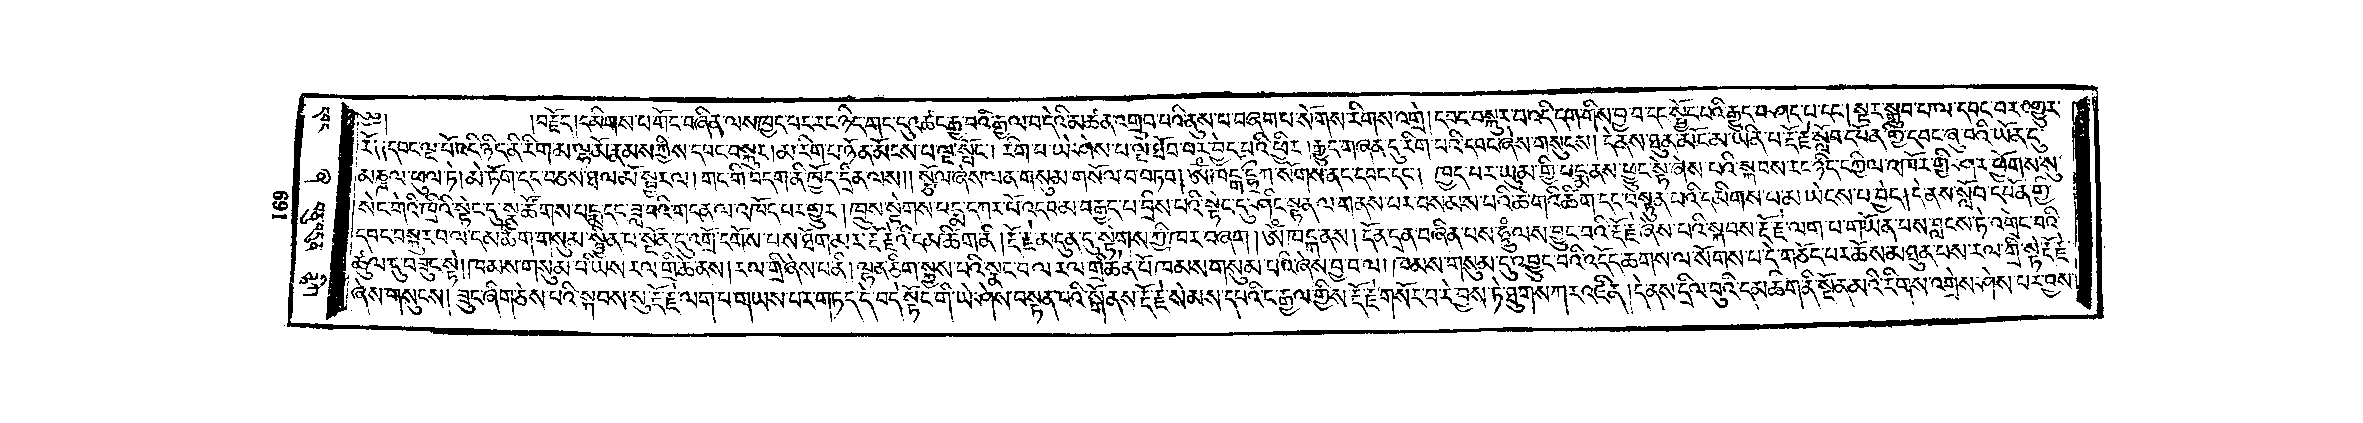༄༅། །བརྗོད། དམིགས་པ་གོང་བཞིན་ལས་ཁྱད་པར་རང་ཉིད་གང་དུ་འཚང་རྒྱ་བའི་རྒྱལ་བ་དེའི་མཚན་འགྲུབ་པའི་ནུས་པ་བཞག་པ་སོགས་རིགས་འགྲེ་།དབང་བསྐུར་བ་འདི་དག་གིས་བྱ་བ་དང་སྤྱོད་པའི་རྒྱུད་བཤད་པ་དང་། སྔར་སྒྲུབ་པ་ལ་དབང་བར་འགྱུར་
རོ། །དབང་ལྔ་པོ་འདི་ཉིད་ནི་རིག་མ་ལྷ་མོ་རྣམས་ཀྱིས་དབང་བསྐུར། མ་རིག་པ་ཉོན་མོངས་པ་ལྔ་སྤོང་། རིག་པ་ཡེ་ཤེས་པ་ལྔ་ཐོབ་བར་བྱེད་པའི་ཕྱིར། རྒྱུད་གཞན་དུ་རིག་པའི་དབང་ཞེས་གསུངས། དེ་ནས་ཐུན་མོང་མ་ཡིན་པ་རྡོ་རྗེ་སློབ་དཔོན་གྱི་དབང་ཞུ་བའི་ཡོན་དུ་
མཎྜལ་ཕུལ་ཏེ། མེ་ཏོག་དང་བཅས་ཐལ་མོ་སྦྱར་ལ། གང་གི་བདག་ནི་ཁྱོད་དྲིན་ལས། །སྩོལ་ཞེས་ལན་གསུམ་གསོལ་བ་བཏབ། ཨོཾ་ཁངྒ་དྷྲྀ་ཀ་སོགས་ནང་དབང་དང་། ཁྱད་པར་ཡུམ་གྱི་པདམ་ནས་ཕྱུང་སྟེ་ཞེས་པའི་སྐབས་རང་ཉིད་དཀྱིལ་འཁོར་གྱི་ཤར་ཕྱོགས་སུ་
སེང་གེའི་ཁྲིའི་སྟེང་དུ་སྣ་ཚོགས་པདམ་དང་ཟླ་བའི་གདན་ལ་འཁོད་པར་གྱུར། ཁྲུས་སྟེགས་པདམ་དཀར་པོ་འདབ་མ་བརྒྱད་པ་བྲིས་པའི་སྟེང་དུ་ཤིང་སྟན་ལ་གནས་པར་བསམས་པའི་ཆེ་གའི་ཚིག་དང་བསྟུན་པའི་དམིགས་པ་མ་ཡེངས་པ་བྱེད། དེ་ནས་སློབ་དཔོན་གྱི་
དབང་བསྐུར་བ་ལ་དམ་ཚིག་གསུམ་སྦྱིན་པ་སྔོན་དུ་འགྲོ་དགོས་པས་ཐོག་མར་རྡོ་རྗེའི་དམ་ཚིག་ནི། རྡོ་རྗེ་མདུན་དུ་སྟེགས་ཀྱི་ཁར་བཞག །ཨོཾ་ཁངྒ་ནས། དོན་དྲན་བཞིན་པས་ཧཱུཾ་ལས་བྱུང་བའི་རྡོ་རྗེ་ཞེས་པའི་སྐབས་རྡོ་རྗེ་ལག་པ་གཡོན་པས་བླངས་ཏེ་འགྲེང་བའི་
ཚུལ་དུ་བཟུང་སྟེ། ཁམས་གསུམ་པ་ཡིས་རལ་གྲི་ཆེ་ནས། རལ་གྲི་ཞེས་པ་ནི། ལྷན་ཅིག་སྐྱས་པའི་སྣང་བ་ལ་རལ་གྲི་ཆེན་པོ་ཁམས་གསུམ་པའི་ཞེས་བྱ་བ་ལ། ཁམས་གསུམ་དུ་འབྱུང་བའི་འདོད་ཆགས་ལ་སོགས་པ་དེ་གཅོད་པར་ཆོས་མཐུན་པས་རལ་གྲི་སྟེ་རྡོ་རྗེ་
ཞེས་གསུངས། ཟུང་ཞིག་ཅེས་པའི་སྐབས་སུ་རྡོ་རྗེ་ལག་པ་གཡས་པར་གཏད་དེ་བདེ་སྟོང་གི་ཡེ་ཤེས་བསྟན་པའི་སྒོ་ནས་རྡོ་རྗེ་སེམས་དཔའི་ང་རྒྱལ་གྱིས་རྡོ་རྗེ་གསོར་བ་རེ་བྱས་ཏེ་ཐུགས་ཀར་འཛིན། དེ་ནས་དྲིལ་བུའི་དམ་ཚིག་ནི་སྔོན་མའི་རིགས་འགྲེས་ཤེས་པར་བྱས་